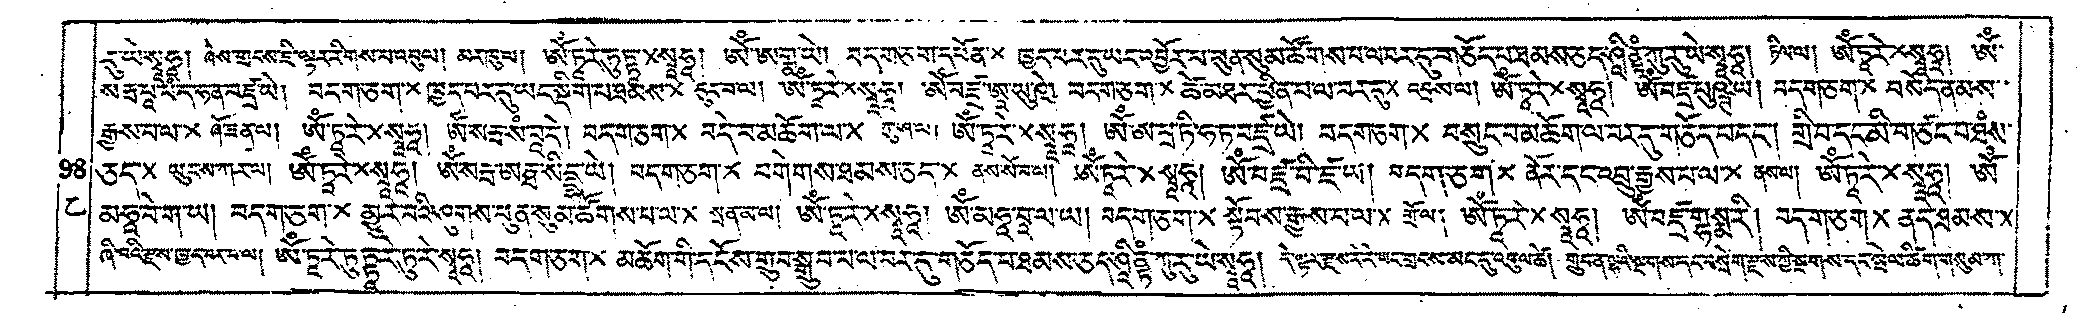རུ་ཡེ་སྭཱཧཱ། ཞེས་གྲངས་ཇི་ལྟར་རིགས་པ་འབུལ། མར་ཁུ་ལ།  ཨོཾ་ཏཱ་རེ་ཏུ་ཏྟཱ་྾་སྭཱཧཱ། ཨོཾ་ཨ་གན་ཡེ། བདག་ཅག་དཔོན་྾་ཁྱད་པར་དུ་ཡང་འབྱོར་པ་ཕུན་སུམ་ཚོགས་པ་ལ་བར་དུ་གཅོད་པ་ཐམས་ཅད་ཤཱིནྟཾ་ཀུ་རུ་ཡེ་སྭཱཧཱ། ཏིལ་ལ།  ཨོཾ་ཏཱ་རེ་྾་སྭཱཧཱ། ཨོཾ་
སརྦ་པཱ་པཾ་ད་ཧ་ན་བཛྲ་ཡེ། བདག་ཅག་྾་ཁྱད་པར་དུ་ཡང་སྡིག་པ་ཐམས་྾་དུར་བ་ལ།  ཨོཾ་ཏཱ་རེ་྾་སྭཱཧཱ། ཨོཾ་བཛྲ་ཨཱ་ཡུ་ཥེ། བདག་ཅག་྾་ཚེ་མཐར་ཕྱིན་ཨ་ལ་བར་དུ་྾་འབྲས་ལ། ཨོཾ་ཏཱ་རེ་྾་སྭཱཧཱ། ཨོཾ་བཛྲ་པུཥྚ་ཡ། བདག་ཅག་྾་བསོད་ནམྶ་་་
རྒྱས་པ་ལ་྾་ཞོ་ཟན་ལ། ཨོཾ་ཏཱ་ཏེ་྾་སྭཱཧཱ། ཨོཾ་སརྦ་སཾ་བཱ་དེ། བདག་ཅག་྾་བདེ་བ་མཆོག་ལ་྾་ཀུ་ཤ་ལ།  ཨོཾ་ཏཱ་རེ་྾་སྭཱཧཱ། ཨོཾ་ཨ་པྲ་ཏི་ཧ་ཏ་བཛྲ་ཡེ། བདག་ཅག་྾་བསྲུང་བ་མཆོག་ལ་བར་དུ་གཅོད་པ་དང་། གྲིབ་དང་མི་གཙང་བ་ཐསཾ་
ཅད་྾་ཡུངས་ཀར་ལ།  ཨོཾ་ཏཱ་རེ་྾་སྭཱཧཱ། ཨོཾ་སརྦ་ཨརྠ་སིདྡྷ་ཡེ། བདག་ཅག་྾་བགེགས་ཐམས་ཅད་྾་ནས་སོ་བ་ལ།  ཨོཾ་ཏཱ་རེ་྾་སྭཱཧཱ། ཨོཾ་བཛྲ་བི་ཛ་ཡ། བདག་ཅག་྾་ནོར་དང་འབྲུ་རྒྱས་པ་ལ་྾་ནས་ལ།  ཨོཾ་ཏཱ་རེ་྾་སྭཱཧཱ། ཨོཾ་
མཧཱ་བེ་ག་ཡ། བདག་ཅག་྾་མྱུར་བའི་ཤུགས་ཕུན་སུམ་ཚོགས་པ་ལ་྾་སྲན་མ་ལ།  ཨོཾ་ཏཱ་རེ་྾་སྭཱཧཱ། ཨོཾ་མཧཱ་བཱ་ལ་ཡ། བདག་ཅག་྾་སྟོབས་རྒྱས་པ་ལ་྾་གྲོ་ལ།  ཨོཾ་ཏཱ་རེ་྾་སྭཱཧཱ། ཨོཾ་བཛྲ་གྷ་སྨ་རི། བདག་ཅག་྾་ནད་ཐམས་྾་
ཞི་བའི་རྫས་ཁྱད་པར་བ་ལ།  ཨོཾ་ཏཱ་རེ་ཏུ་ཏྟཱ་རེ་ཏུ་རེ་སྭཱཧཱ། བདག་ཅག་྾་མཆོག་གི་དངོས་གྲུབ་སྒྲུབ་པ་ལ་བར་དུ་གཅོད་པ་ཐམས་ཅད་ཤཱི་ནྟཾ་ཀུ་རུ་ཡེ་སྭཱཧཱ། དེ་ལྟར་རྫས་རེ་རེ་ཡང་གྲངས་མང་དུ་འབུལ་ཚེ། གྲུབ་ན་ལྷའི་སྔགས་དང་བསྲེག་རྫས་ཀྱི་སྔགས་དང་སྤེལ་ཚིག་གསུམ་ཀ